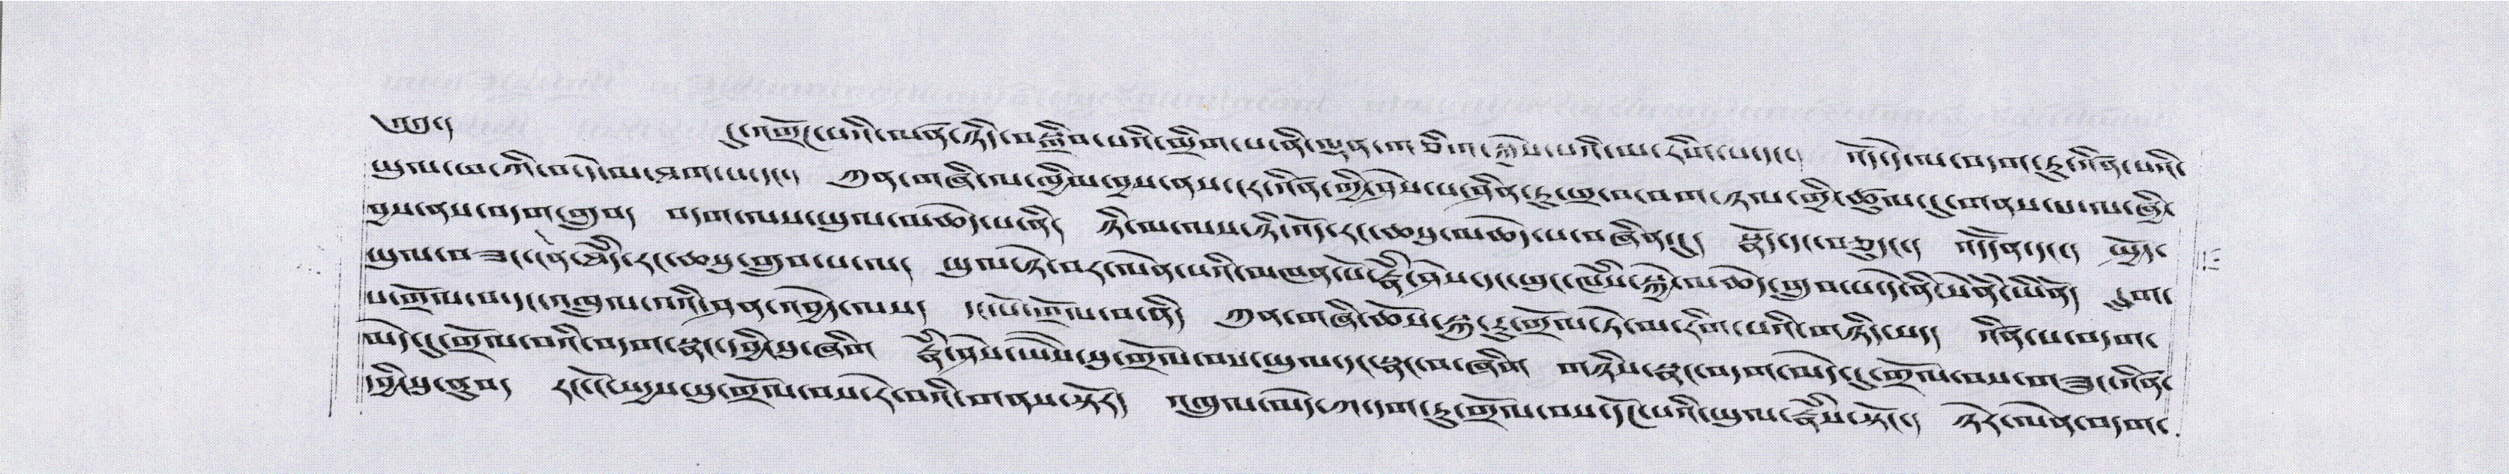དུ་འགྲོགས་པའི་མཚན་ཉིད་བསྒྲིབ་པའི་མ་རིག་པ་ནི་ལྷན་གཅིག་སྐྱེས་པའི་མ་རིག་པ་དང། འོད་དེ་ལ་བདག་ཏུ་འཛིན་པའི་
ཡུལ་ཕ་ཀི་བ་དེ་མ་ཐག་པ་དང། ཀུན་གཞི་ལ་ཁྱིམ་བྱས་ནས་ངར་འཛིན་གྱི་ཤེས་པ་ཤིན་ཏུ་ཕྲ་བ་བག་ཉལ་གྱི་ཚུལ་དུ་གནས་པ་ལ་གཞི་
བྱས་ནས་བདག་གྲུབ། བདག་ལས་ཡུལ་མཆེད་པ་ནི། ཉི་མ་ལས་ཉི་འོད་རང་ཆས་སུ་མཆེད་པ་བཞིན་དུ། སྣོད་དང་བཅུད་དང། འདོད་ཡོན་དང། སྤྱོད་
ཡུལ་བཟང་ངན་ཐམས་ཅད་རང་ཆས་སུ་གྲུབ་པ་ལ། ཡུལ་ཉེ་བར་ལེན་པའི་མཁན་པོ་རྣམ་ཤེས་དང་ཕུང་ཁམས་སྐྱེ་མཆེད་གྲུབ་པ་དེ་ནི་སེམས་ཅན་ཡིན་ནོ། དྲུག་
པ་གྲོལ་བ་དང་འཁྲུལ་པའི་ཤན་འབྱེད་ལས། དང་པོ་གྲོལ་བ་ནི། ཀུན་གཞི་ཆོས་སྐུ་རུ་གྲོལ་ཏེ་མ་རིག་པའི་གཉིད་སད། འཛིན་པ་བདག་
མེད་དུ་གྲོལ་བའི་བདག་སྣང་དབྱིངས་སུ་ཞིག རྣམ་ཤེས་ཡེ་ཤེས་སུ་གྲོལ་བས་ཡུལ་དང་སྣང་བ་ཞིག གཉིས་སྣང་བདག་མེད་དུ་གྲོལ་བས་གཟུང་འཛིན་
དབྱིངས་སུ་ནུབ། རང་ངོ་སངས་རྒྱས་སུ་གྲོལ་བས་རེ་བའི་གནས་སྟོར། འཁྲུལ་མེད་ཀ་དག་ཏུ་གྲོལ་བས་དོགས་པའི་ཡུལ་རྣམས་སྟོང། ཉེར་ལེན་བདག་